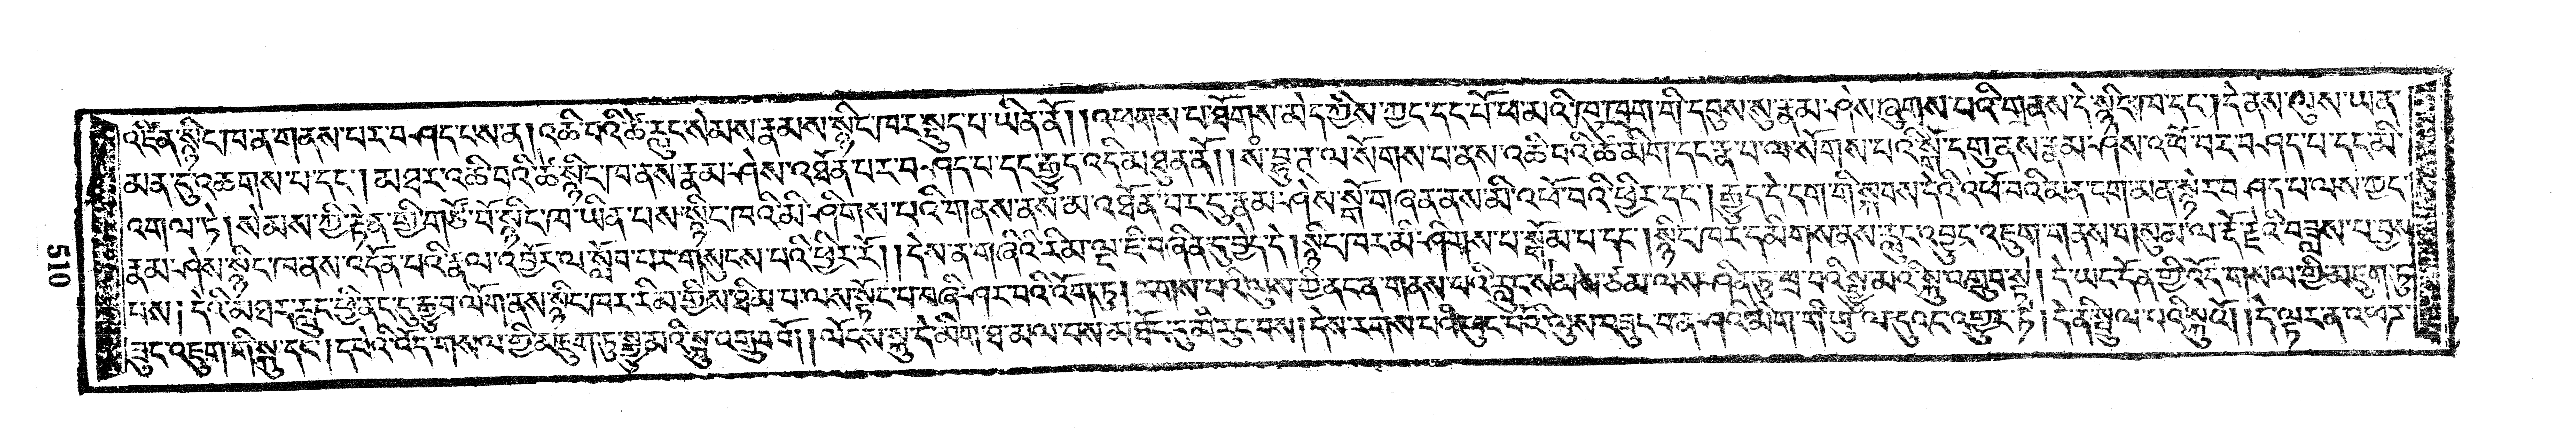འཛིན་སྙིང་ཁ་ན་གནས་པར་བཤད་པས་ན། འཆི་བའི་ཚེ་རླུང་སེམས་རྣམས་སྙིང་ཁར་སྡུད་པ་ཡིན་ནོ། །འཕགས་པ་ཐོགས་མེད་ཀྱིས་ཀྱང་དང་པོ་ཕ་མའི་ཁུ་ཁྲག་གི་དབུས་སུ་རྣམ་ཤེས་ཞུགས་པའི་གནས་དེ་སྙིང་ཁ་དང་། དེ་ནས་ལུས་ཡན་
མན་དུ་འཆགས་པ་དང་། མཐར་འཆི་བའི་ཚེ་སྙིང་ཁ་ནས་རྣམ་ཤེས་འཐོན་པར་བཤད་པ་དང་རྒྱུད་འདི་མཐུན་ནོ། །སཾ་བྷུ་ཊ་ལ་སོགས་པ་ནས་འཆི་བའི་ཚེ་མིག་དང་རྣ་བ་ལ་སོགས་པའི་སྒོ་དགུ་ནས་རྣམ་ཤེས་འཕོ་བར་བཤད་པ་དང་མི་
འགལ་ཏེ། སེམས་ཀྱི་རྟེན་གྱི་གཙོ་བོ་སྙིང་ཁ་ཡིན་པས་སྙིང་ཁའི་མི་ཤིགས་པའི་གནས་ནས་མ་འཐོན་བར་དུ་རྣམ་ཤེས་སྒོ་གཞན་ནས་མི་འཕོ་བའི་ཕྱིར་དང་། རྒྱུད་དེ་དག་གི་སྐབས་དེའི་འཕོ་བའི་མན་ངག་མན་སྙེར་བཤད་པ་ལས་ཀྱང་
རྣམ་ཤེས་སྙིང་ཁ་ནས་འདོན་པའི་རྣལ་འབྱོར་ལ་སློབ་པར་གསུངས་པའི་ཕྱིར་རོ། །དེས་ན་གཞིའི་རིམ་ལྔ་ཇི་བཞིན་དུ་བྱེད་དེ། སྙིང་ཁར་མི་ཤིགས་པ་སྒོམ་པ་དང་། སྙིང་ཁར་དམིགས་ནས་རླུང་འབྱུང་འཇུག་གནས་གསུམ་ལ་རྡོ་རྗེའི་བཟླས་པ་བྱས་
པས། དེའི་མཐར་རླུང་ཕྱི་ནང་དུ་རྒྱུ་བ་ལོག་ནས་སྙིང་ཁར་རིམ་གྱིས་ཐིམ་པ་ལས་སྟོང་པ་བཞི་ཤར་བའི་འོག་ཏུ། རགས་པའི་ལུས་ཀྱི་ནང་ན་གནས་པའི་རླུང་སེམས་ཙམ་ལས་ཤིན་ཏུ་ཕྲ་བའི་སྒྱུ་མའི་སྐུ་འགྲུབ་སྟེ། དེ་ཡང་དོན་གྱི་འོད་གསལ་གྱི་མཇུག་ཏུ་
ཟུང་འཇུག་གི་སྐུ་དང་། དཔེའི་འོད་གསལ་གྱི་མཇུག་ཏུ་སྒྱུ་མའི་སྐུ་འགྲུབ་བོ། །ལོངས་སྐུ་དེ་མིག་ཐ་མལ་པས་མཐོང་དུ་མི་རུང་བས། དེས་རགས་པའི་ཕུང་པོའི་ལུས་བཟུང་བ་ན་ཤའི་མིག་གི་ཡུལ་དུའང་འགྱུར་ཏེ། དེ་ནི་སྤྲུལ་པའི་སྐུའོ། །དེ་ལྟར་ན་འཕགས་